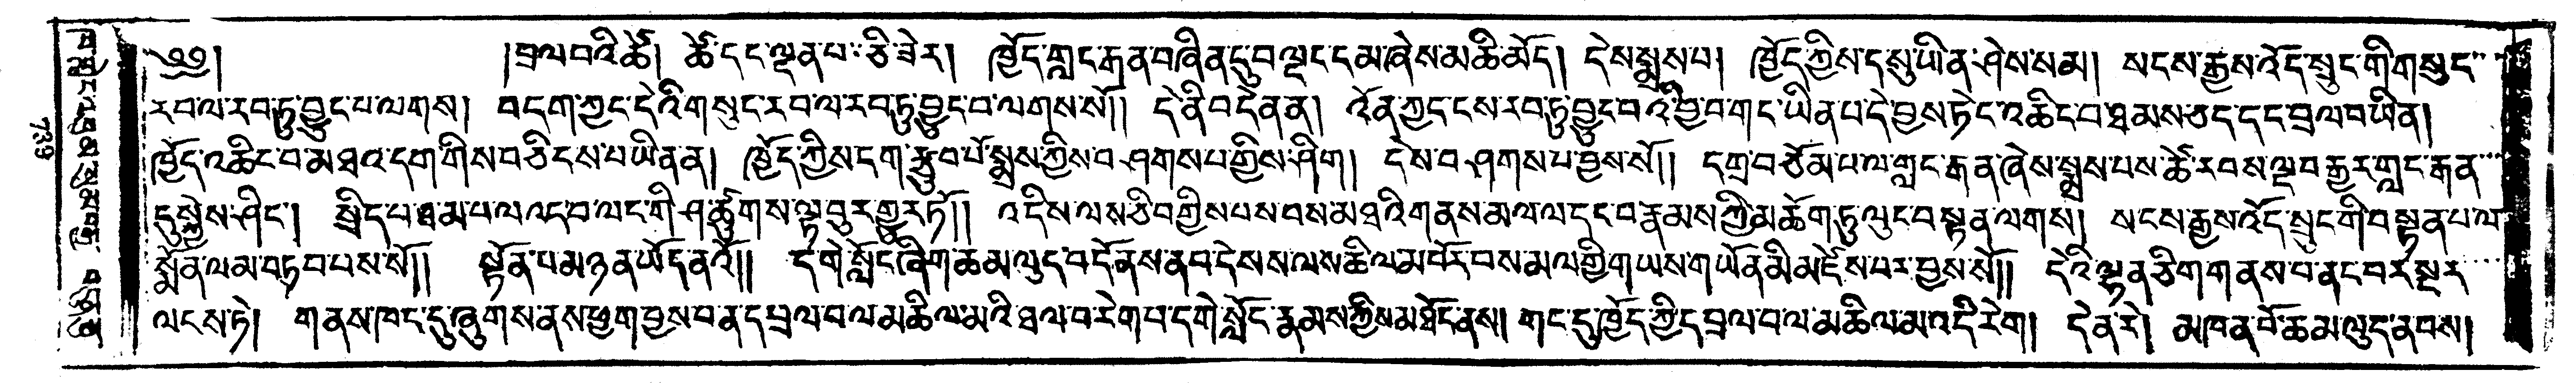༄༅། །བྲལ་བའི་ཚེ། ཚེ་དང་ལྡན་པ༑ ཅི་ཟེར། ཁྱོད་གླང་རྒན་བཞིན་དུ་བལྡང་དམ་ཞེས་མཆི་མོད། དེས་སྨྲས་པ། ཁྱོད་ཀྱིས་ད་སུ་ཡིན་ཤེས་སམ། སངས་རྒྱས་འོད་སྲུང་གི་གསུང་
རབ་ལ་རབ་ཏུ་བྱུང་པ་ལགས། བདག་ཀྱང་དེའི་གསུང་རབ་ལ་རབ་ཏུ་བྱུང་བ་ལགས་སོ། །དེ་ནི་བདེན་ན། འོན་ཀྱང་ངས་རབ་ཏུ་བྱུང་བའི་བྱ་བ་གང་ཡིན་པ་དེ་བྱས་ཏེ་ང་འཆིང་བ་ཐམས་ཅད་དང་བྲལ་བ་ཡིན།
ཁྱོད་འཆིང་བ་མཐའ་དག་གིས་བཅིངས་པ་ཡིན་ན། ཁྱོད་ཀྱིས་དག་རྩུབ་པོ་སྨྲས་ཀྱིས་བཤགས་བགྱིས་ཤིག། དེས་བཤགས་པ་བྱས་སོ། །དགྲ་བཅོམ་པ་ལ་གླང་རྒན་ཞེས་སྨྲས་པས་ཚེ་རབས་ལྔ་བརྒྱར་གླང་རྒན་
དུ་སྐྱེས་ཤིང་། སྲིད་པ་ཐ་མ་པ་ལའང་བ་ལང་གི་ཤ་ཚུགས་ལྟ་བུར་གྱུར་ཏོ། །འདིས་ལས་ཅི་བགྱིས་པས་བས་མཐའི་གནས་མལ་ལ་དང་བ་རྣམས་ཀྱི་མཆོག་ཏུ་ལུང་བསྟན་ལགས། སངས་རྒྱས་འོད་སྲུང་གི་བསྟན་པ་ལ་
སྨོན་ལམ་བཏབ་པས་སོ། །སྟོན་པ་མཉན་ཡོད་ནའོ། །དགེ་སློང་ཞིག་ཆམ་ལུད་བདོ་ནས་ནབ་དེས་ས་ལས་ཆིལ་མ་བོར་བས་མལ་གྱི་གཡས་གཡོན་མི་མཛེས་པར་བྱས་སོ། །དེའི་ལྷན་ཅིག་གནས་པ་ནང་བར་སྔར་
ལངས་ཏེ། གནས་ཁང་དུ་ཞུགས་ནས་ཕྱག་བྱས་པ་ན་དཔྲལ་བ་ལ་མཆིལ་མའི་ཐལ་བ་རེག་པ་དགེ་སློང་རྣམས་ཀྱིས་མཐོང་ནས། གང་དུ་ཁྱོད་ཀྱི་དབྲལ་བ་ལ་མཆིལ་མ་འདི་རེག། དེ་ན་རེ། མཁན་པོ་ཆམ་ལུད་ནབས།